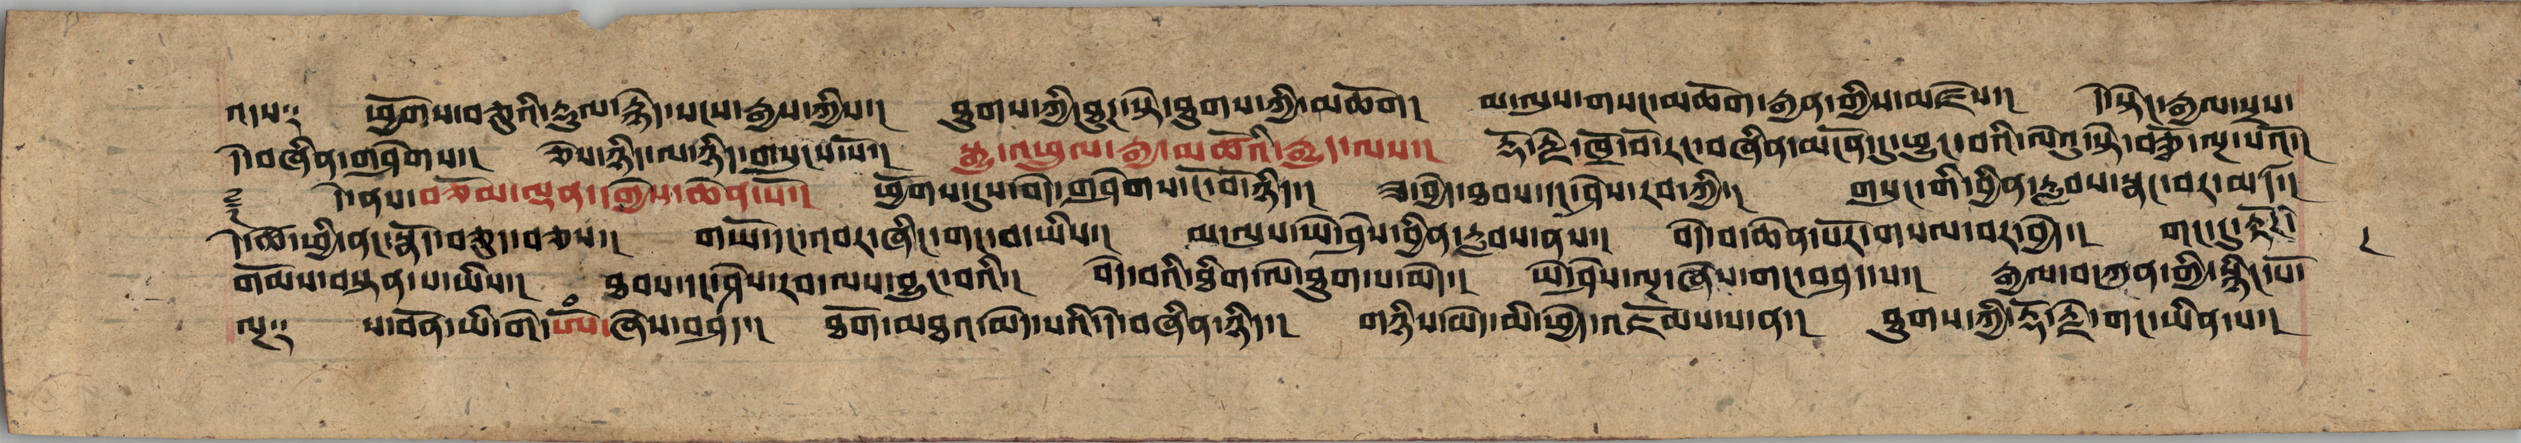འདས༑ ཕྱོགས་བཅུའི་རྡུལ་རྙེད་སངས་རྒྱས་ཀྱིས་། ཐུགས་ཀྱི་ཐུཌ་སྟེ་ཐུགས་ཀྱི་མཆོག། མ་ལུས་གསང་མཆོག་རྒྱན་གྱིས་མཛེས་། དེ་སྟེང་རྒྱལ་སྲས་
དེ་བཞིན་གཤེགས་། ཅེས་ཉིད་ལ་ཉིད་གསུང་སོ་། སྒྱུ་འཕྲུལ་རྒྱ་མཚོའི་རྒྱུད་ལས་། རྡོ་རྗེ་ཁྲོ་བོ་རང་བཞིན་མངོན་དུ་ཕྱུང་བའི་ལེའུ་སྟེ་བཅྭོ་ལྔ་པའོ་།
࿑ དེ་ནས་བཅོམ་ལྡན་དགྱེས་ཆེན་པོ་། ཕྱོགས་དུས་བདེ་གཤེགས་ངོ་བོ་ཉིད་། ཟ་བྱེད་ཐབས་དང་ཤེས་རབ་ཀྱི་། གསུང་གི་བྱིན་རླབས་སྣང་བར་མཛད་།
དེ་ཚེ་ཕྱི་ནང་སྣོད་བཅུད་བཅས་། གཡོ་དང་འབར་ཞིང་གང་བ་ཡིས་། མ་ལུས་ཡེ་ཤེས་བྱིན་རླབས་ནས་། བདེ་བ་ཆེན་པོར་གསལ་བར་བྱེད་། གང་དུ་རྟོཌ་
གོམས་བསྟན་པ་ཡིས་། ཐབས་དང་ཤེས་རབ་ལས་བྱུང་བའི་། བདེ་བའི་ཐིག་ལེ་ཐུག་པ་མེད་། ཡེ་ཤེས་ལྔ་ཞེས་གང་བཤད་པ་། རྒྱལ་བ་ཀུན་གྱི་སྙིང་པོ་
ལྔ༑ ས་བོན་ཡི་གེ་ཨོ་ཞེས་བཤད་། ཐོག་མཐའ་མེད་པའི་དེ་བཞིན་ཉིད་། གཉིས་མེད་མི་ཕྱེད་འཇོམས་པ་ན་། ཐུགས་ཀྱི་རྡོ་རྗེ་གང་ཡིན་པ་།